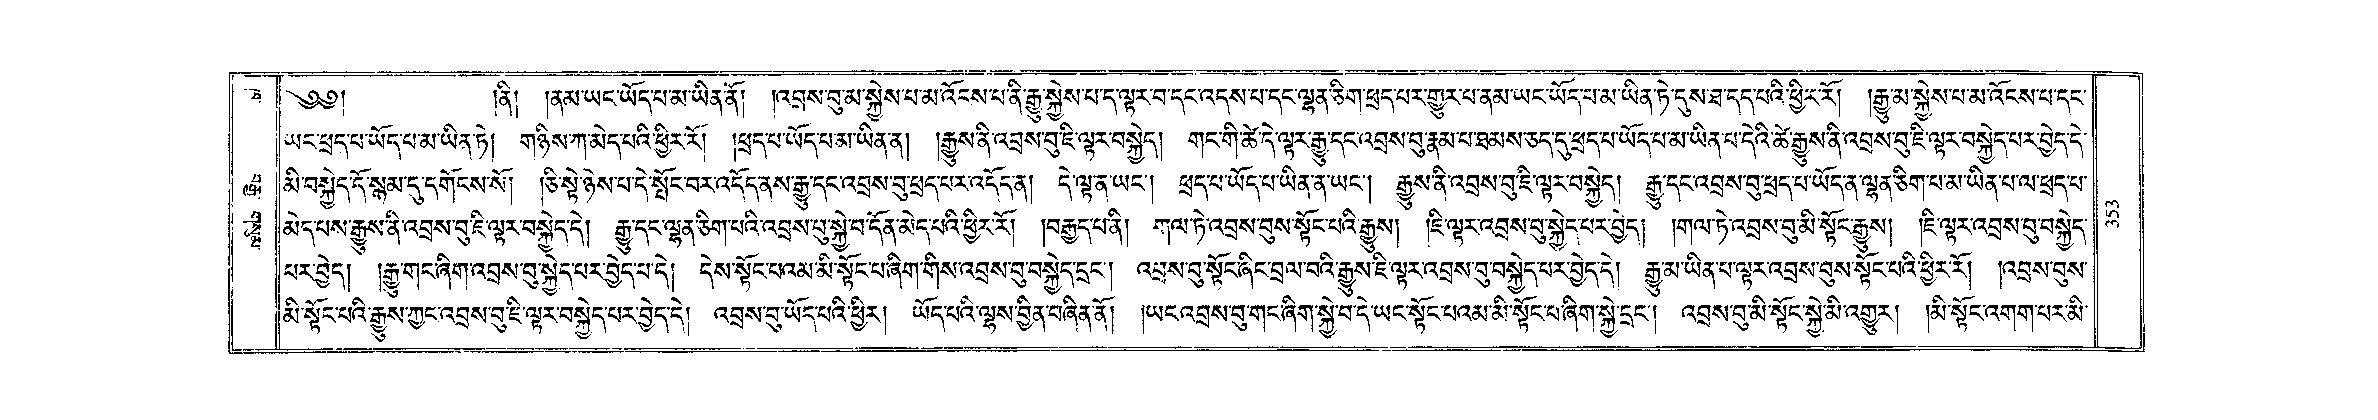༄༅། །ནི། །ནམ་ཡང་ཡོད་པ་མ་ཡིན་ནོ། །འབྲས་བུ་མ་སྐྱེས་པ་མ་འོངས་པ་ནི་རྒྱུ་སྐྱེས་པ་ད་ལྟར་བ་དང་འདས་པ་དང་ལྷན་ཅིག་ཕྲད་པར་གྱུར་པ་ནམ་ཡང་ཡོད་པ་མ་ཡིན་ཏེ་དུས་ཐ་དད་པའི་ཕྱིར་རོ། །རྒྱུ་མ་སྐྱེས་པ་མ་འོངས་པ་དང་
ཡང་ཕྲད་པ་ཡོད་པ་མ་ཡིན་ཏེ། གཉིས་ཀ་མེད་པའི་ཕྱིར་རོ། །ཕྲད་པ་ཡོད་པ་མ་ཡིན་ན། །རྒྱུས་ནི་འབྲས་བུ་ཇི་ལྟར་བསྐྱེད། གང་གི་ཚེ་དེ་ལྟར་རྒྱུ་དང་འབྲས་བུ་རྣམ་པ་ཐམས་ཅད་དུ་ཕྲད་པ་ཡོད་པ་མ་ཡིན་པ་དེའི་ཚེ་རྒྱུས་ནི་འབྲས་བུ་ཇི་ལྟར་བསྐྱེད་པར་བྱེད་དེ་
མི་བསྐྱེད་དོ་སྙམ་དུ་དགོངས་སོ། །ཅི་སྟེ་ཉེས་པ་དེ་སྤོང་བར་འདོད་ནས་རྒྱུ་དང་འབྲས་བུ་ཕྲད་པར་འདོད་ན། དེ་ལྟ་ན་ཡང་། ཕྲད་པ་ཡོད་པ་ཡིན་ན་ཡང་། རྒྱུས་ནི་འབྲས་བུ་ཇི་ལྟར་བསྐྱེད། རྒྱུ་དང་འབྲས་བུ་ཕྲད་པ་ཡོད་ན་ལྷན་ཅིག་པ་མ་ཡིན་པ་ལ་ཕྲད་པ་
མེད་པས་རྒྱུས་ནི་འབྲས་བུ་ཇི་ལྟར་བསྐྱེད་དེ། རྒྱུ་དང་ལྷན་ཅིག་པའི་འབྲས་བུ་སྐྱེ་བ་དོན་མེད་པའི་ཕྱིར་རོ། །བརྒྱད་པ་ནི། གལ་ཏེ་འབྲས་བུས་སྟོང་པའི་རྒྱུས། །ཇི་ལྟར་འབྲས་བུ་སྐྱེད་པར་བྱེད། །གལ་ཏེ་འབྲས་བུ་མི་སྟོང་རྒྱུས། །ཇི་ལྟར་འབྲས་བུ་བསྐྱེད་
པར་བྱེད། །རྒྱུ་གང་ཞིག་འབྲས་བུ་སྐྱེད་པར་བྱེད་པ་དེ། དེས་སྟོང་པའམ་མི་སྟོང་པ་ཞིག་གིས་འབྲས་བུ་བསྐྱེད་དྲང་། འབྲས་བུ་སྟོང་ཞིང་བྲལ་བའི་རྒྱུས་ཇི་ལྟར་འབྲས་བུ་བསྐྱེད་པར་བྱེད་དེ། རྒྱུ་མ་ཡིན་པ་ལྟར་འབྲས་བུས་སྟོང་པའི་ཕྱིར་རོ། །འབྲས་བུས་
མི་སྟོང་པའི་རྒྱུས་ཀྱང་འབྲས་བུ་ཇི་ལྟར་བསྐྱེད་པར་བྱེད་དེ། འབྲས་བུ་ཡོད་པའི་ཕྱིར། ཡོད་པའི་ལྷས་བྱིན་བཞིན་ནོ། །ཡང་འབྲས་བུ་གང་ཞིག་སྐྱེ་བ་དེ་ཡང་སྟོང་པའམ་མི་སྟོང་པ་ཞིག་སྐྱེ་དྲང་། འབྲས་བུ་མི་སྟོང་སྐྱེ་མི་འགྱུར། །མི་སྟོང་འགག་པར་མི་